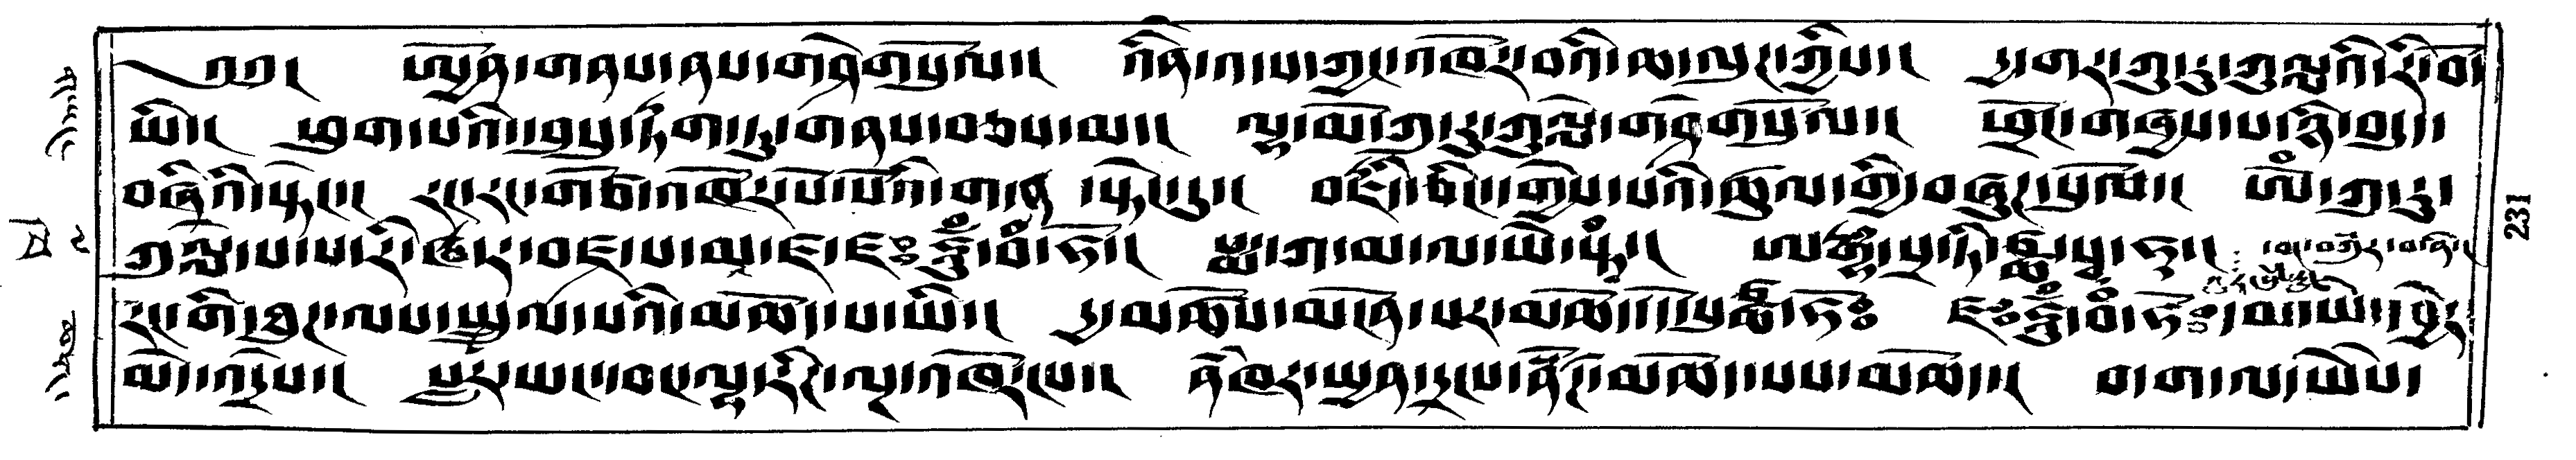ཨོ་རྒྱན་གནས་ནས་གཤེགས་སུ་གསོལ། །འཇིག་རྟེན་འདས་ཀྱང་འཁོར་བའི་ཆ་ལུགས་ཀྱིས། །རྒྱ་གར་ཀུ་རུ་ཀུལླའི་རི་བོ་
ཡི། །ཕུག་པའི་དབུས་སུ་རྟག་ཏུ་གནས་བཅས་མ། །ལྷ་མོ་ཀུ་རུ་ཀུལླེ་གཤེགས་སུ་གསོལ། །ཕོ་བྲང་གཞལ་ཡས་པད་ཉི་བདུད་
བཞིའི་སྟེང་། །རང་རང་གཙོ་འཁོར་སོ་སོའི་གདན་སྟེང་དུ། །བརྗིད་ཅིང་དགྱེས་པའི་ཚུལ་གྱིས་བཞུགས་སུ་གསོལ། །ཨོཾ་ཀུ་རུ་
ཀུལླེ་ས་པ་རི་ཝ་ར་བཛྲ་ས་མཱ་ཛཿཛ་ཧཱུྃ་བཾ་ཧོ། པདྨ་ཀ་མ་ལ་ཡེ་སྟཾ། ཨརྒྷཾ་པྲ་ཏི་ཙྪ་སྭ་ཧཱ། དབང་བསྐུར་བ་ནི་། 
རང་གི་ཐུགས་ལས་སྤྲུལ་པའི་མཆོད་པ་ཡི། །རྒྱ་མཚོས་མངོན་པར་མཆོད་དོ་པུཙྪ་ཧོཿ ཛཿཧཱུྃ་བཾ་ཧོཿདམ་ཡེ་དབྱེར་
མེད་འདྲེས། །སླར་ཡང་དབང་ལྷ་རིགས་ལྔ་འཁོར་དང་བཅས། །ནམ་མཁར་སྤྱན་དྲངས་སྣ་ཚོགས་མཆོད་པས་མཆོད། །བདག་ལ་ཡེ་ཤེས་